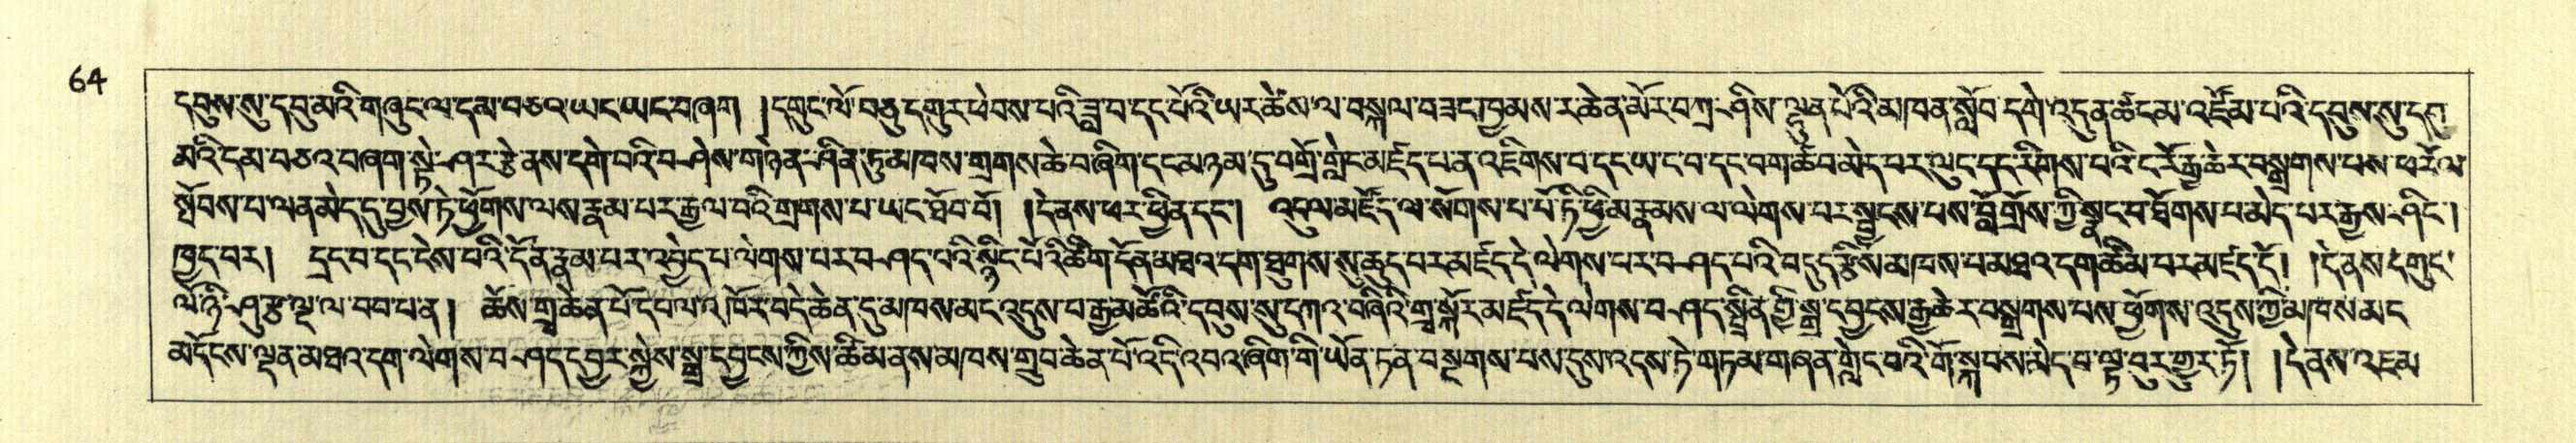དབུས་སུ་དབུ་མའི་གཞུང་ལ་དམ་བཅའ་ཡང་ཡང་བཞག། །དགུང་ལུ་བཅུ་དགུར་ཕེབས་པའི་ཟླ་བ་དང་པོའི་ཡར་ཚེས་ལ་བསྐལ་བཟང་ཁྱམས་ར་ཆེན་མོར་བཀྲ་ཤིས་ལྷུན་པོའི་མཁན་སློབ་དགེ་འདུན་ཚང་མ་འཛོམ་པའི་དབུས་སུ་དབུ་
མའི་དམ་བཅའ་བཞག་སྟེ་ཤར་རྩེ་ནས་དགེ་བའི་བཤེས་གཉེན་ཤིན་ཏུ་མཁས་གྲགས་ཆེ་བ་ཞིག་དང་མཉམ་དུ་བགྲོ་གླེང་མཛད་པ་ན་འཇིགས་པ་དང་ཡ་ང་བ་དང་བག་ཚབ་མེད་པར་ལུང་དང་རིགས་པའི་ང་རོ་རྒྱ་ཆེར་བསྒྲགས་པས་ཕ་རོལ་
སྤོབས་པ་ལན་མེད་དུ་བྱས་ཏེ་ཕྱོགས་ལས་རྣམ་པར་རྒྱལ་བའི་གྲགས་པ་ཡང་ཐོབ་བོ། །དེ་ནས་ཕར་ཕྱིན་དང་། འདུལ་མཛོད་ལ་སོགས་པ་པོ་ཏི་ཕྱི་མ་རྣམས་ལ་ལེགས་པར་སྦྱངས་པས་བློ་གྲོས་ཀྱི་སྣང་བ་ཐོགས་པ་མེད་པར་རྒྱས་ཤིང་།
ཁྱད་བར། དྲང་བ་དང་ངེས་པའི་དོན་རྣམ་པར་འབྱེད་པ་ལེགས་པར་བཤད་པའི་སྙིང་པོའི་ཚིག་དོན་མཐའ་དག་ཐུགས་སུ་ཆུད་པར་མཛད་དེ་ལེགས་པར་བཤད་པའི་བདུད་རྩིས་མཁས་པ་མཐའ་དག་ཚིམ་པར་མཛད་དོ། །དེ་ནས་དགུང་
ལོ་ཉི་ཤུ་རྩ་ལྔ་ལ་བབ་པ་ན། ཆོས་གྲྭ་ཆེན་པོ་དཔལ་འཁོར་བདེ་ཆེན་དུ་མཁས་མང་འདུས་པ་རྒྱ་མཚོའི་དབུས་སུ་དཀའ་བཞིའི་གྲྭ་སྐོར་མཛད་དེ་ལེགས་བཤད་སྤྲིན་གྱི་སྒྲ་དབྱངས་རྒྱ་ཆེར་བསྒྲགས་པས་ཕྱོགས་འདུས་ཀྱི་མཁས་མང་
མདོངས་ལྡན་མཐའ་དག་ལེགས་བཤད་དབྱར་སྐྱེས་སྒྲ་དབྱངས་ཀྱིས་ཚིམ་ནས་མཁས་གྲུབ་ཆེན་པོ་འདི་འབའ་ཞིག་གི་ཡོན་ཏན་བསྔགས་པས་སྡུས་འདས་ཏེ་གཏམ་གཞན་གླེང་བའི་གོས་ཀབ་མེད་པ་ལྟ་བུ་གྱུར་ཏོ། །དེ་ནས་འཇམ་